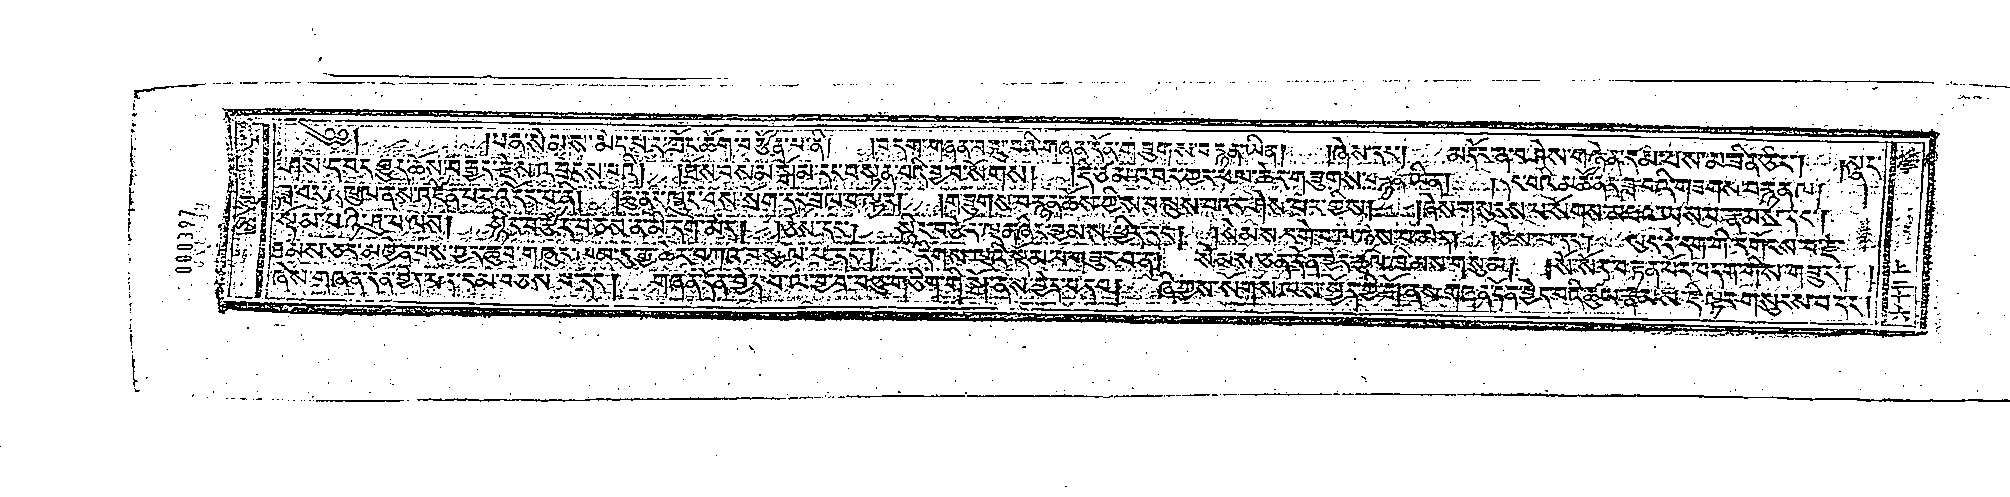༄༅། །ཕན་སེམས་མེད་པར་གྲོང་ཆོག་བརྩོན་པནི། །བདག་གཞན་བསྐུ་བའི་གཞན་དོན་གཟུགས་བརྙན་ཡིན། །ཞེས་དང་། མདོར་ན་བཤེས་གཉེན་དམ་པས་མ་ཟིན་ཅིང་། སྣང་
ཤས་དབང་གྱུར་ཆོས་བརྒྱད་རྗེས་འབྲངས་པའི། །ཐོས་བསམ་སྒོམ་དང་བསྟན་པའི་བྱ་བ་སོགས། །ཇི་ཙམ་འབད་ཀྱང་ཕལ་ཆེར་གཟུགས་བརྙན་ཡིན། །དང་བའི་མཚོ་ནང་ཟླ་བའི་གཟུགས་བརྙན་ལ། །
ཟླ་བར་འཁྲུལ་ནས་འཛིན་པར་འདོད་བ་ནི། །ཆུ་ནང་ལྷུང་བས་སྲོག་དང་བྲལ་བ་ལྟར། །གཟུགས་བརྙན་ཆོས་ཀྱིས་བསླུས་པའང་ཤེས་པར་གྱིས། །ཞེས་གསུངས་པ་སོགས་མཐའ་ཡས་པ་རྣམས་དང་།
སྡོམ་པ་ཉི་ཤུ་པ་ལས། སྙིང་བརྩེར་བཅས་ན་མི་དགེ་མེད། །ཅེས་དང་། སྙིང་བརྩེ་ལྡན་ཞིང་བྱམས་ཕྱིར་དང་། །སེམས་དགེ་བ་ལ་ཉེས་པ་མེད། །ཅེས་པ་དང་། ལུང་དེ་དག་གི་དགོངས་བ་རྗེ་
ཐམས་ཅད་མཁྱེན་པས་བྱང་ཆུབ་གཞུང་ལམ་དུ་རྒྱ་ཆེར་བཀའ་བསྩལ་པ་དང་། རིགས་ལྔའི་སྡོམ་པ་གཟུང་བ་ན། སེམས་ཅན་དོན་བྱེད་ཚུལ་ཁྲིམས་གསུམ། །སོ་སོར་བརྟན་པོར་བདག་གིས་གཟུང་། །
ཞེས་གཞན་དོན་བྱེད་པར་དམ་བཅས་པ་དང་། གཞན་དོན་བྱེད་པ་ལ་བྱ་བ་བཅུ་གཅིག་གི་སྒོ་ནས་བྱེད་པ་རབ། ཞི་རྒྱས་སོགས་ལས་སྦྱོད་གྱི་སྒོ་ནས་གཞན་དོན་བྱེད་པའི་ཚུལ་རྣམས་ཇི་ལྟར་གསུངས་བ་དང་།